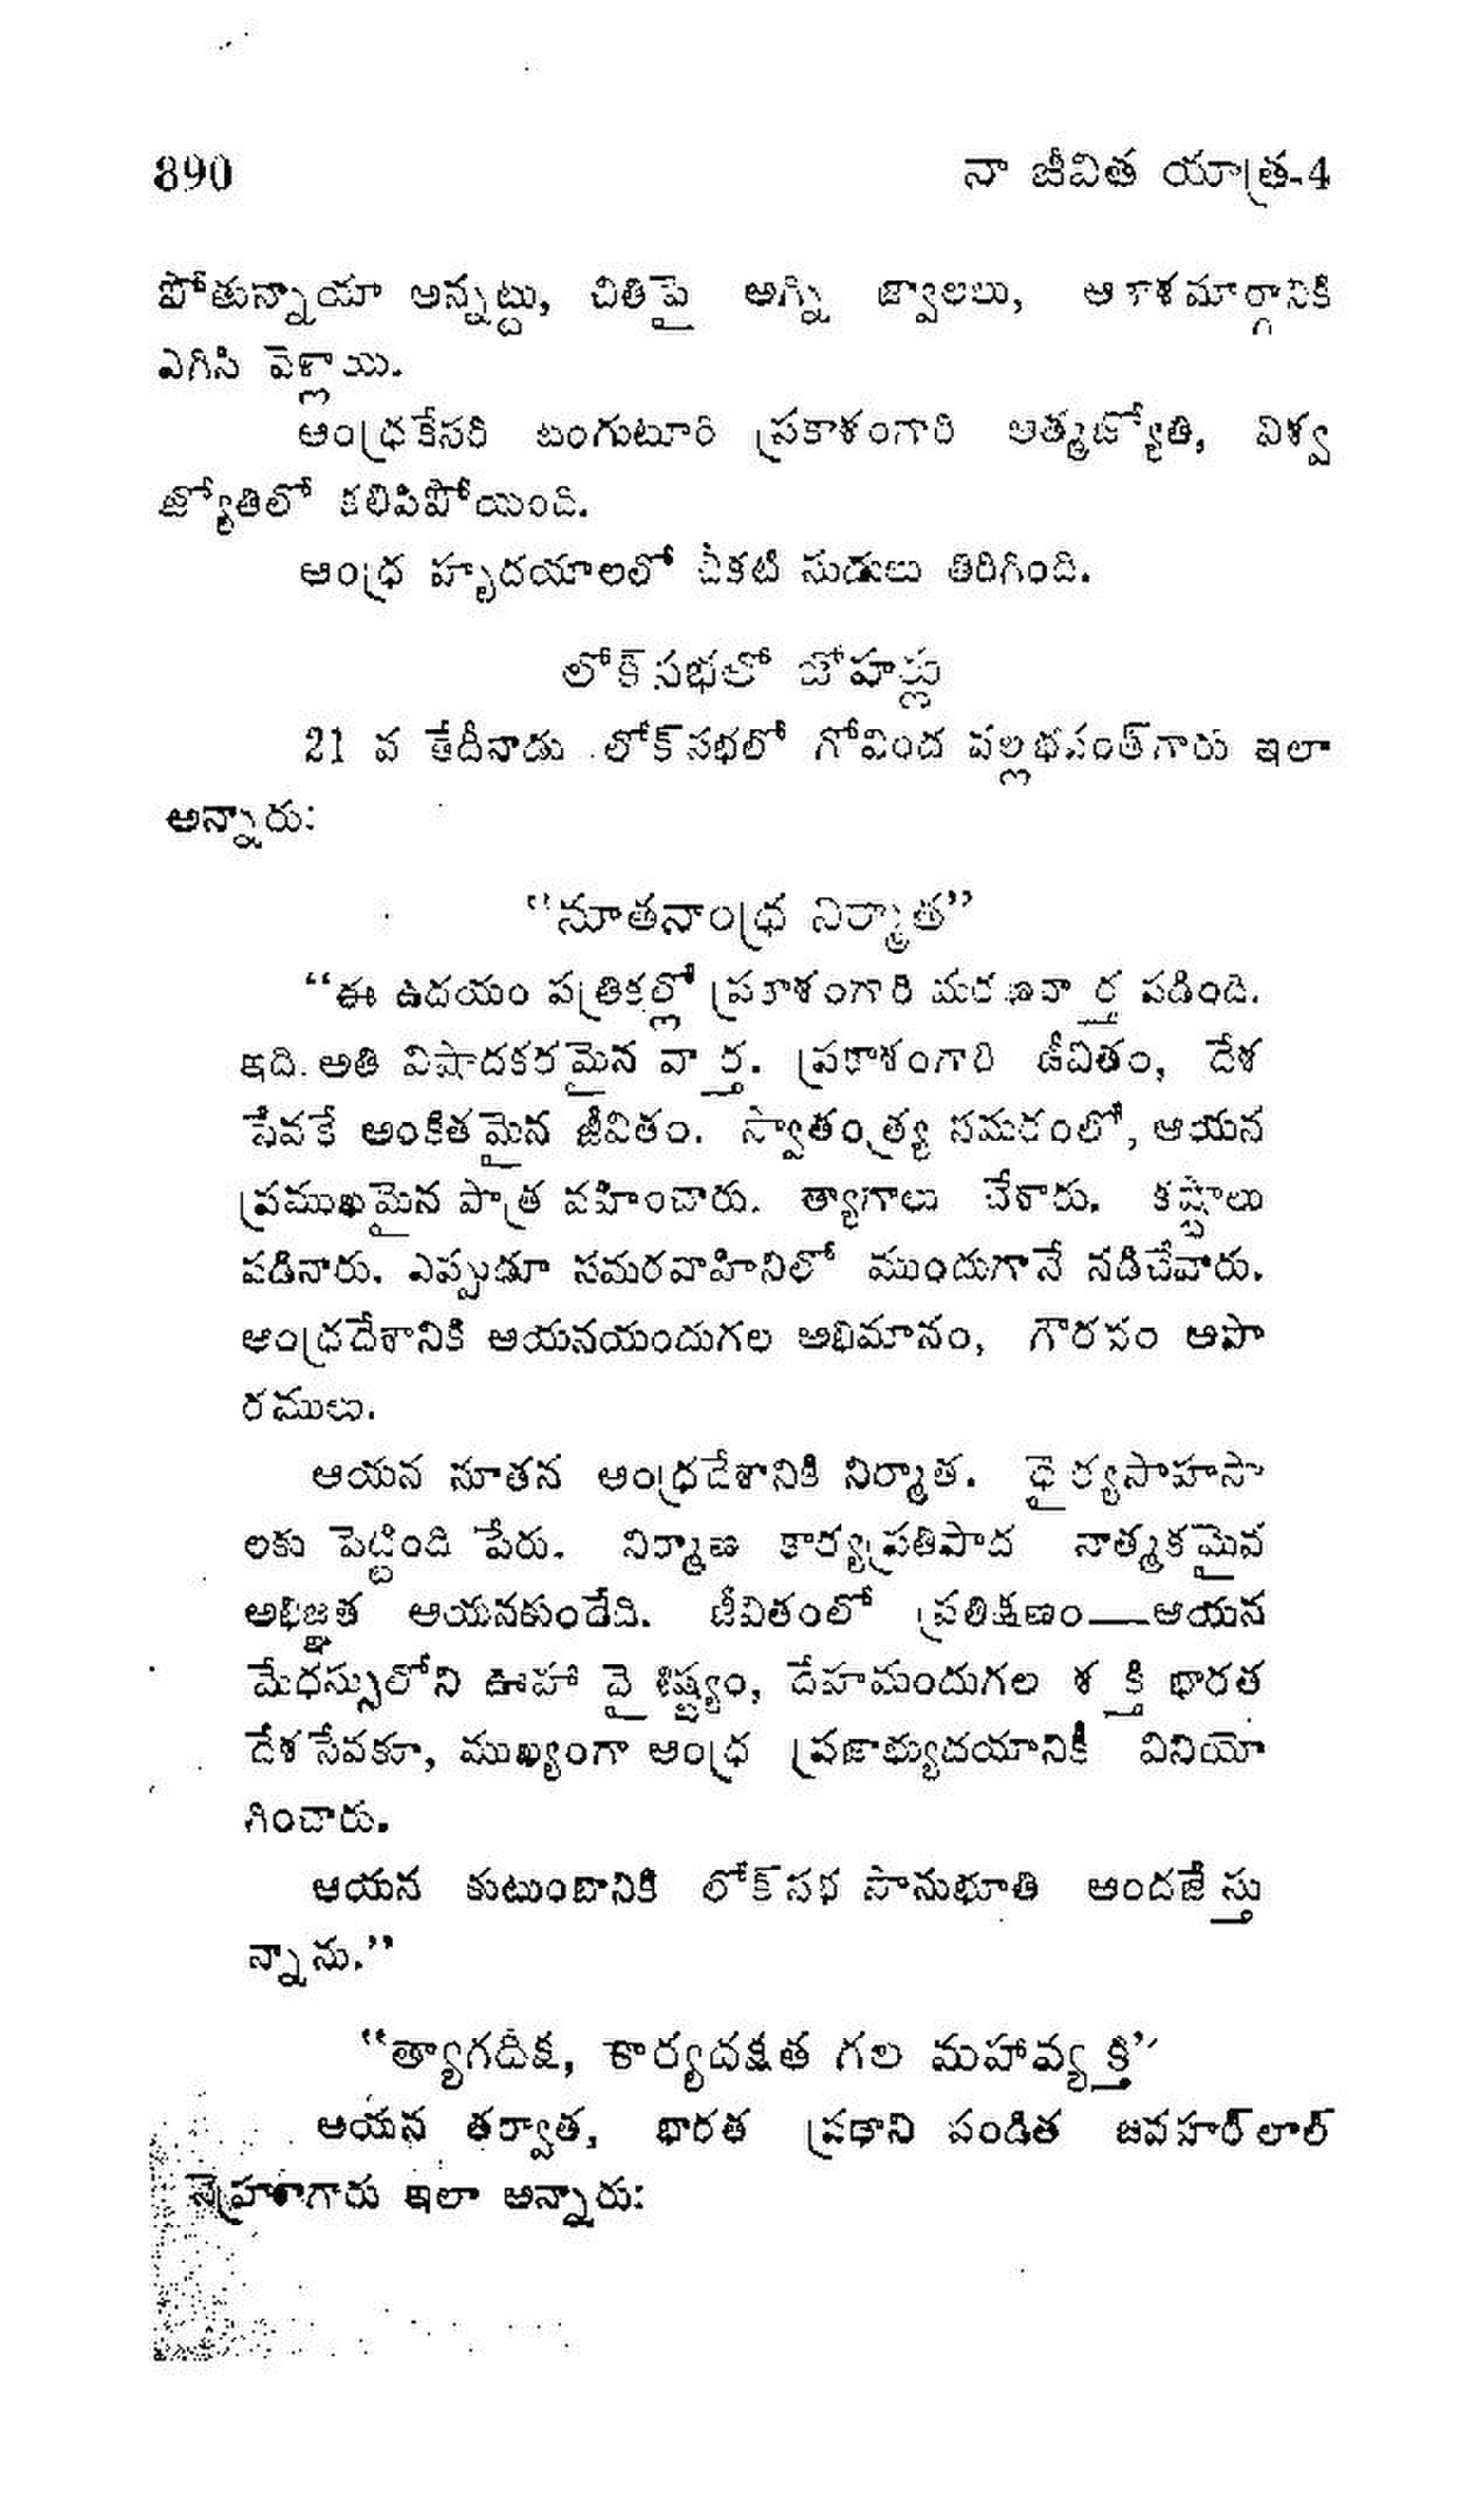పోతున్నాయా అన్నట్టు, చితిపై అగ్ని జ్వాలలు, ఆకాశమార్గానికి ఎగిసి వెళ్లాయి.

ఆంధ్రకేసరి టంగుటూరి ప్రకాశంగారి ఆత్మజ్యోతి, విశ్వజ్యోతిలో కలిసిపోయింది.

ఆంధ్ర హృదయాలలో చీకటి సుడులు తిరిగింది

21 వ తేదీనాడు లోక్‌సభలో గోవింద వల్లభపంత్‌గారు ఇలా అన్నారు.

" ఈ ఉదయం పత్రికల్లో ప్రకాశంగారి మరణవార్త పడింది. ఇది అతి విషాదకరమైన వార్త. ప్రకాశంగారి జీవితం, దేశసేవకే అంకితమైన జీవితం. స్వాతంత్ర్య సమరంలో, ఆయన ప్రముఖమైన పాత్ర వహించారు. త్యాగాలు చేశారు. కష్టాలు పడినారు. ఎప్పుడూ సమరవాహినిలో ముందుగానే నడిచేవారు. ఆంధ్రదేశానికి ఆయనయందుగల అభిమానం, గౌరవం అపారములు.

ఆయన నూతన ఆంధ్రదేశానికి నిర్మాత. ధైర్యసాహసాలకు పెట్టింది పేరు. నిర్మాణ కార్యప్రతిపాద నాత్మకమైన అభిజ్ఞత ఆయనకుండేది. జీవితంలో ప్రతిక్షణం - ఆయన మేధస్సులోని ఊహా వై శిష్ట్యం, దేహమందుగల శక్తి భారత దేశసేవకూ, ముఖ్యంగా ఆంధ్ర ప్రజాభ్యుదయానికీ వినియోగించారు.

ఆయన కుటుంబనికి లోక్‌సభ సానుభూతి అందజేస్తున్నాను."

ఆయన తర్వాత, భారత ప్రధాని పండిత జవహర్‌లాల్ నెహ్రూగారు ఇలా అన్నారు: